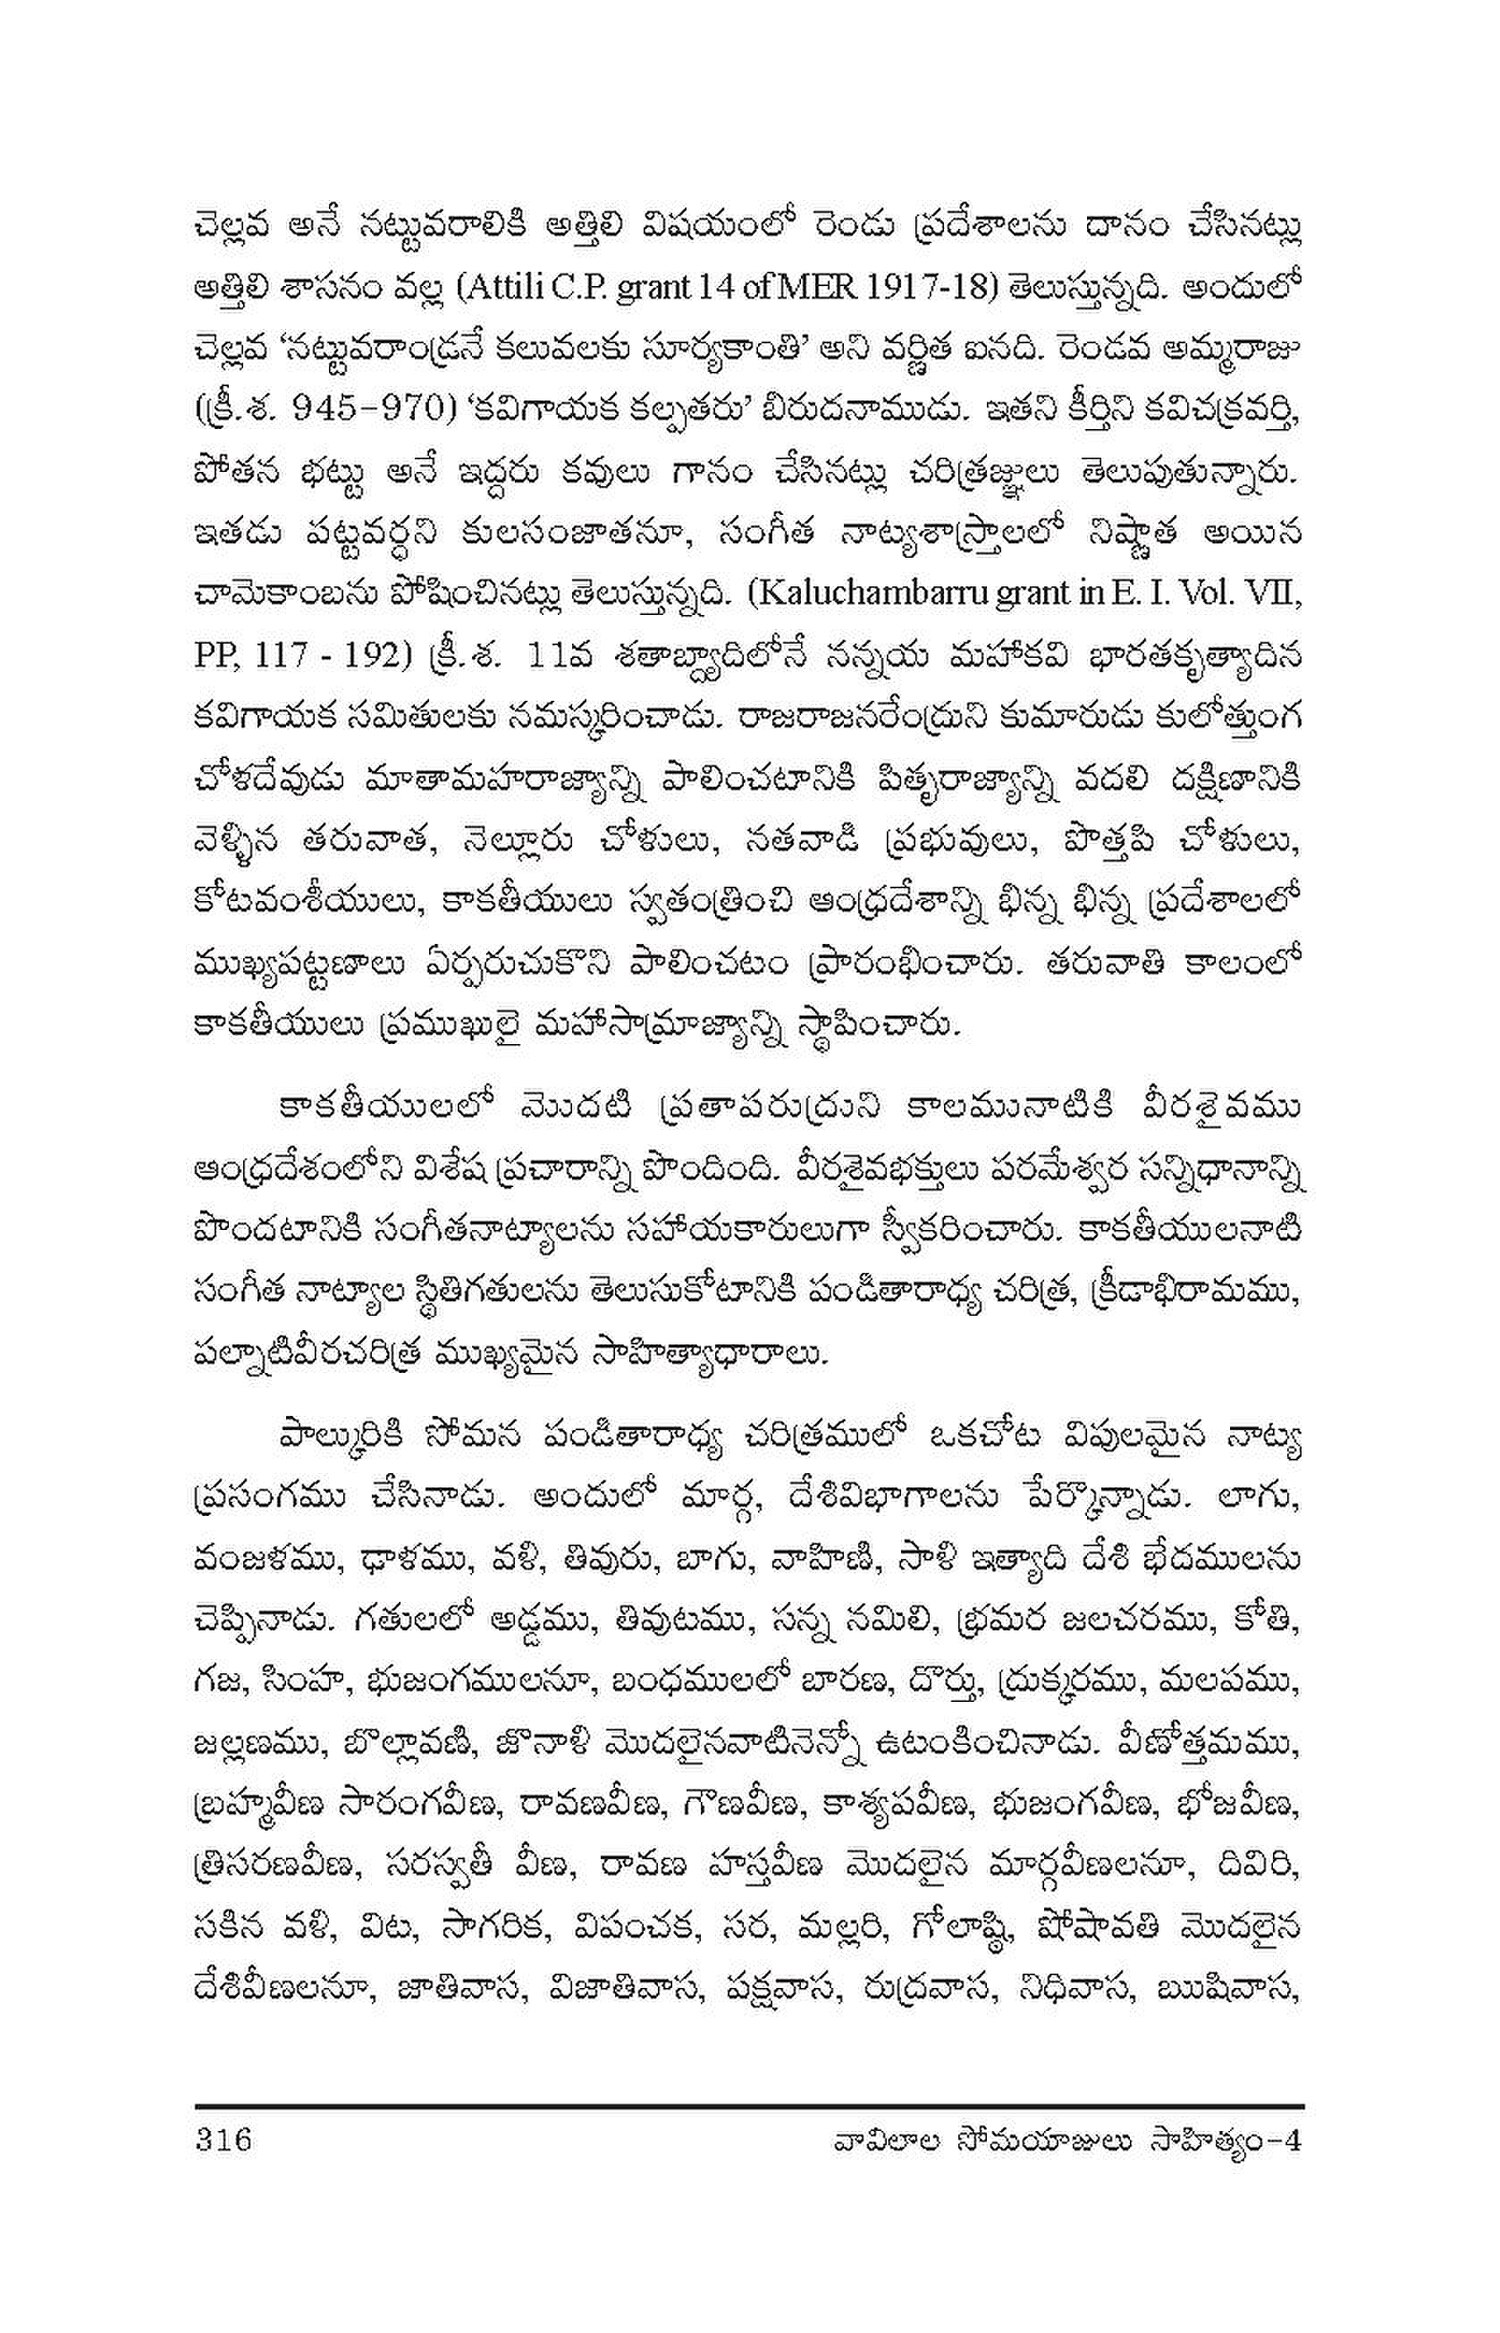చెల్లవ అనే నట్టువరాలికి అత్తిలి విషయంలో రెండు ప్రదేశాలను దానం చేసినట్లు
అత్తిలి శాసనం వల్ల (Attili C.P. grant 14 of MER 1917-18) తెలుస్తున్నది. అందులో
చెల్లవ 'నట్టువరాండ్రనే కలువలకు సూర్యకాంతి' అని వర్ణిత ఐనది. రెండవ అమ్మరాజు
(క్రీ.శ. 945-970) ‘కవిగాయక కల్పతరు' బిరుదనాముడు. ఇతని కీర్తిని కవిచక్రవర్తి,
పోతన భట్టు అనే ఇద్దరు కవులు గానం చేసినట్లు చరిత్రజ్ఞులు తెలుపుతున్నారు.
ఇతడు పట్టవర్ధని కులసంజాతనూ, సంగీత నాట్యశాస్త్రాలలో నిష్ణాత అయిన
చామెకాంబను పోషించినట్లు తెలుస్తున్నది. (Kaluchambarru grant in E. I. Vol. VII,
PP, 117 – 192) క్రీ.శ. 11వ శతాబ్ద్యాదిలోనే నన్నయ మహాకవి భారతకృత్యాదిన
కవిగాయక సమితులకు నమస్కరించాడు. రాజరాజనరేంద్రుని కుమారుడు కులోత్తుంగ
చోళదేవుడు మాతామహరాజ్యాన్ని పాలించటానికి పితృరాజ్యాన్ని వదలి దక్షిణానికి
వెళ్ళిన తరువాత, నెల్లూరు చోళులు, నతవాడి ప్రభువులు, పొత్తపి చోళులు,
కోటవంశీయులు, కాకతీయులు స్వతంత్రించి ఆంధ్రదేశాన్ని భిన్న భిన్న ప్రదేశాలలో
ముఖ్యపట్టణాలు ఏర్పరుచుకొని పాలించటం ప్రారంభించారు. తరువాతి కాలంలో
కాకతీయులు ప్రముఖులై మహాసామ్రాజ్యాన్ని స్థాపించారు.

కాకతీయులలో మొదటి ప్రతాపరుద్రుని కాలమునాటికి వీరశైవము
ఆంధ్రదేశంలోని విశేష ప్రచారాన్ని పొందింది. వీరశైవభక్తులు పరమేశ్వర సన్నిధానాన్ని
పొందటానికి సంగీతనాట్యాలను సహాయకారులుగా స్వీకరించారు. కాకతీయులనాటి
సంగీత నాట్యాల స్థితిగతులను తెలుసుకోటానికి పండితారాధ్య చరిత్ర, క్రీడాభిరామము,
పల్నాటివీరచరిత్ర ముఖ్యమైన సాహిత్యాధారాలు.

పాల్కురికి సోమన పండితారాధ్య చరిత్రములో ఒకచోట విపులమైన నాట్య
ప్రసంగము చేసినాడు. అందులో మార్గ, దేశవిభాగాలను పేర్కొన్నాడు. లాగు,
వంజళము, ఢాళము, వళి, తివురు, బాగు, వాహిణి, సాళి ఇత్యాది దేశి భేదములను
చెప్పినాడు. గతులలో అడ్డము, తివుటము, సన్న నమిలి, భ్రమర జలచరము, కోతి,
గజ, సింహ, భుజంగములనూ, బంధములలో బారణ, దొర్తు, ద్రుక్కరము, మలపము,
జల్లణము, బొల్లావణి, జొనాళి మొదలైనవాటినెన్నో ఉటంకించినాడు. వీణోత్తమము,
బ్రహ్మవీణ సారంగవీణ, రావణవీణ, గౌణవీణ, కాశ్యపవీణ, భుజంగవీణ, భోజవీణ,
త్రిసరణవీణ, సరస్వతీ వీణ, రావణ హస్తవీణ మొదలైన మార్గవీణలనూ, దివిరి,
సకిన వళి, విట, సాగరిక, విపంచక, సర, మల్లరి, గోలాష్ఠి, షోషావతి మొదలైన
దేశివీణలనూ, జాతివాస, విజాతివాస, పక్షవాస, రుద్రవాస, నిధివాస, ఋషివాస,